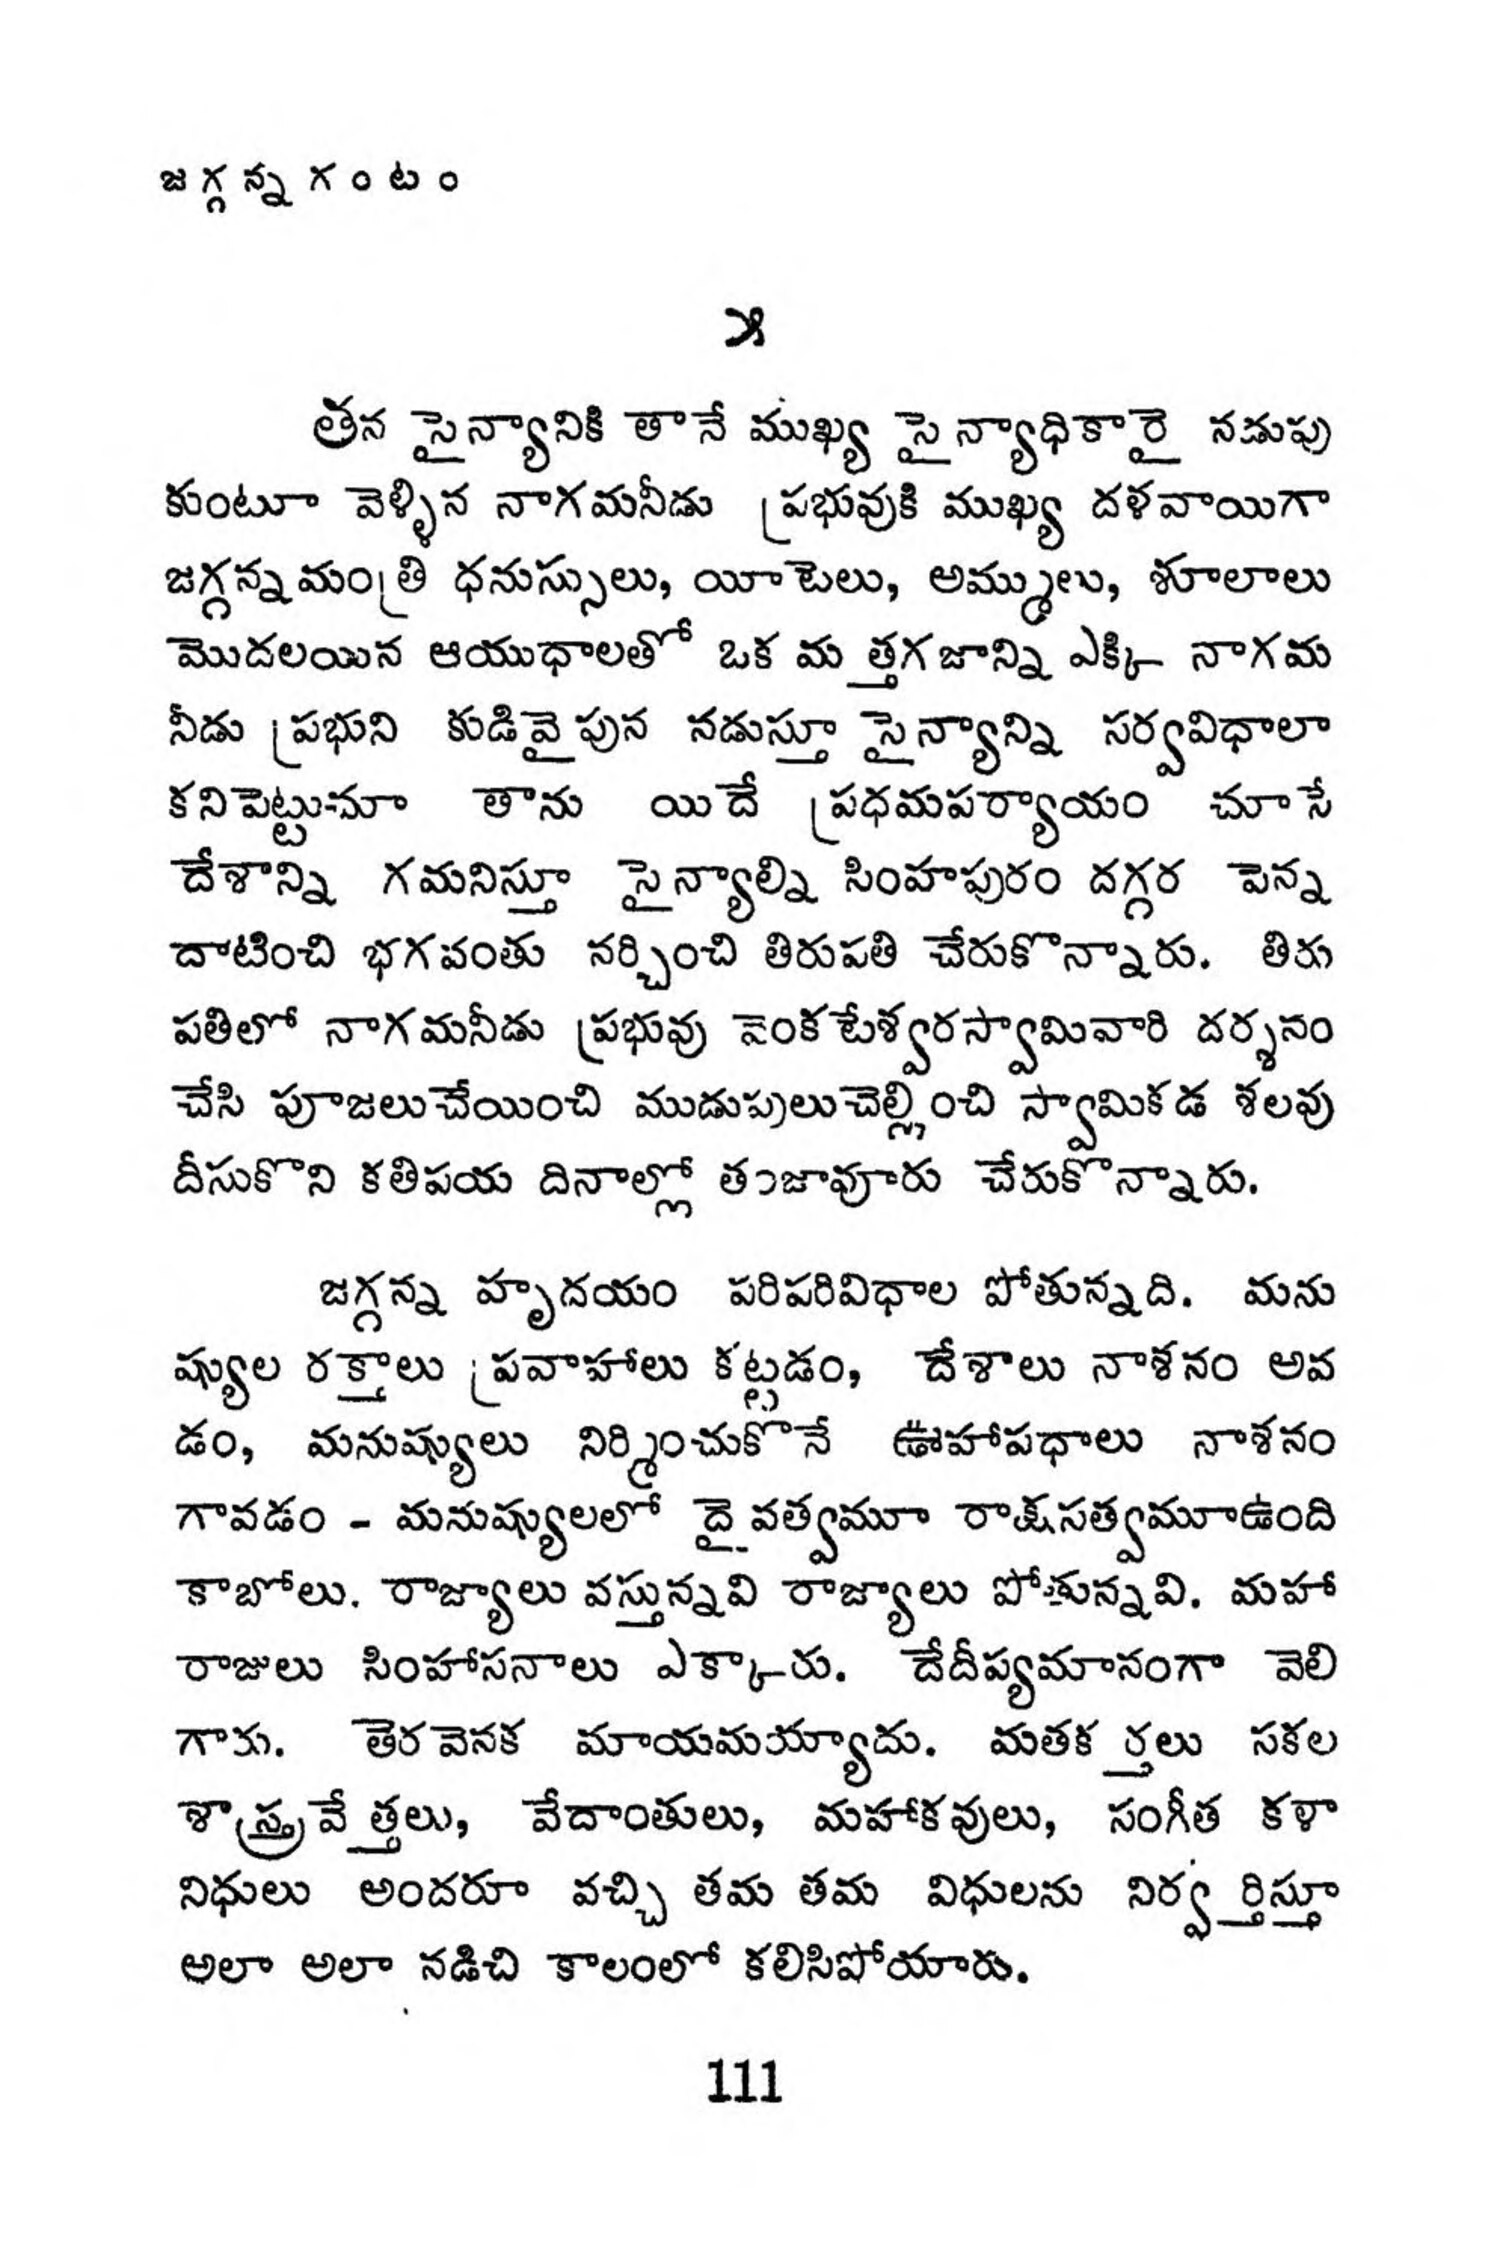5
తన సైన్యానికి తానే ముఖ్య సైన్యాధికారై నడుపుకుంటూ వెళ్ళిన నాగమనీడు ప్రభువుకి ముఖ్య దళవాయిగా జగ్గన్నమంత్రి ధనుస్సులు, యీటెలు, అమ్ములు, శూలాలు మొదలయిన ఆయుధాలతో ఒక మత్తగజాన్ని ఎక్కి నాగమనీడు ప్రభుని కుడివైపున నడుస్తూ సైన్యాన్ని సర్వవిధాలా కనిపెట్టుచూ తాను యిదే ప్రధమపర్యాయం చూసే దేశాన్ని గమనిస్తూ సైన్యాల్ని సింహపురం దగ్గర పెన్న దాటించి భగవంతు నర్చించి తిరుపతి చేరుకొన్నారు. తిరుపతిలో నాగమనీడు ప్రభువు వెంకటేశ్వరస్వామివారి దర్శనం చేసి పూజలుచేయించి ముడుపులుచెల్లించి స్వామికడ శలవు దీసుకొని కతిపయ దినాల్లో తంజావూరు చేరుకొన్నారు.

జగ్గన్న హృదయం పరిపరివిధాల పోతున్నది. మనుష్యుల రక్తాలు ప్రవాహాలు కట్టడం, దేశాలు నాశనం అవడం, మనుష్యులు నిర్మించుకొనే ఊహాపధాలు నాశనం గావడం - మనుష్యులలో దైవత్వమూ రాక్షసత్వమూఉంది కాబోలు. రాజ్యాలు వస్తున్నవి రాజ్యాలు పోతున్నవి. మహారాజులు సింహాసనాలు ఎక్కారు. దేదీప్యమానంగా వెలిగారు. తెరవెనక మాయమయ్యారు. మతకర్తలు సకల శాస్త్రవేత్తలు, వేదాంతులు, మహాకవులు, సంగీత కళానిధులు అందరూ వచ్చి తమ తమ విధులను నిర్వర్తిస్తూ అలా అలా నడిచి కాలంలో కలిసిపోయారు.